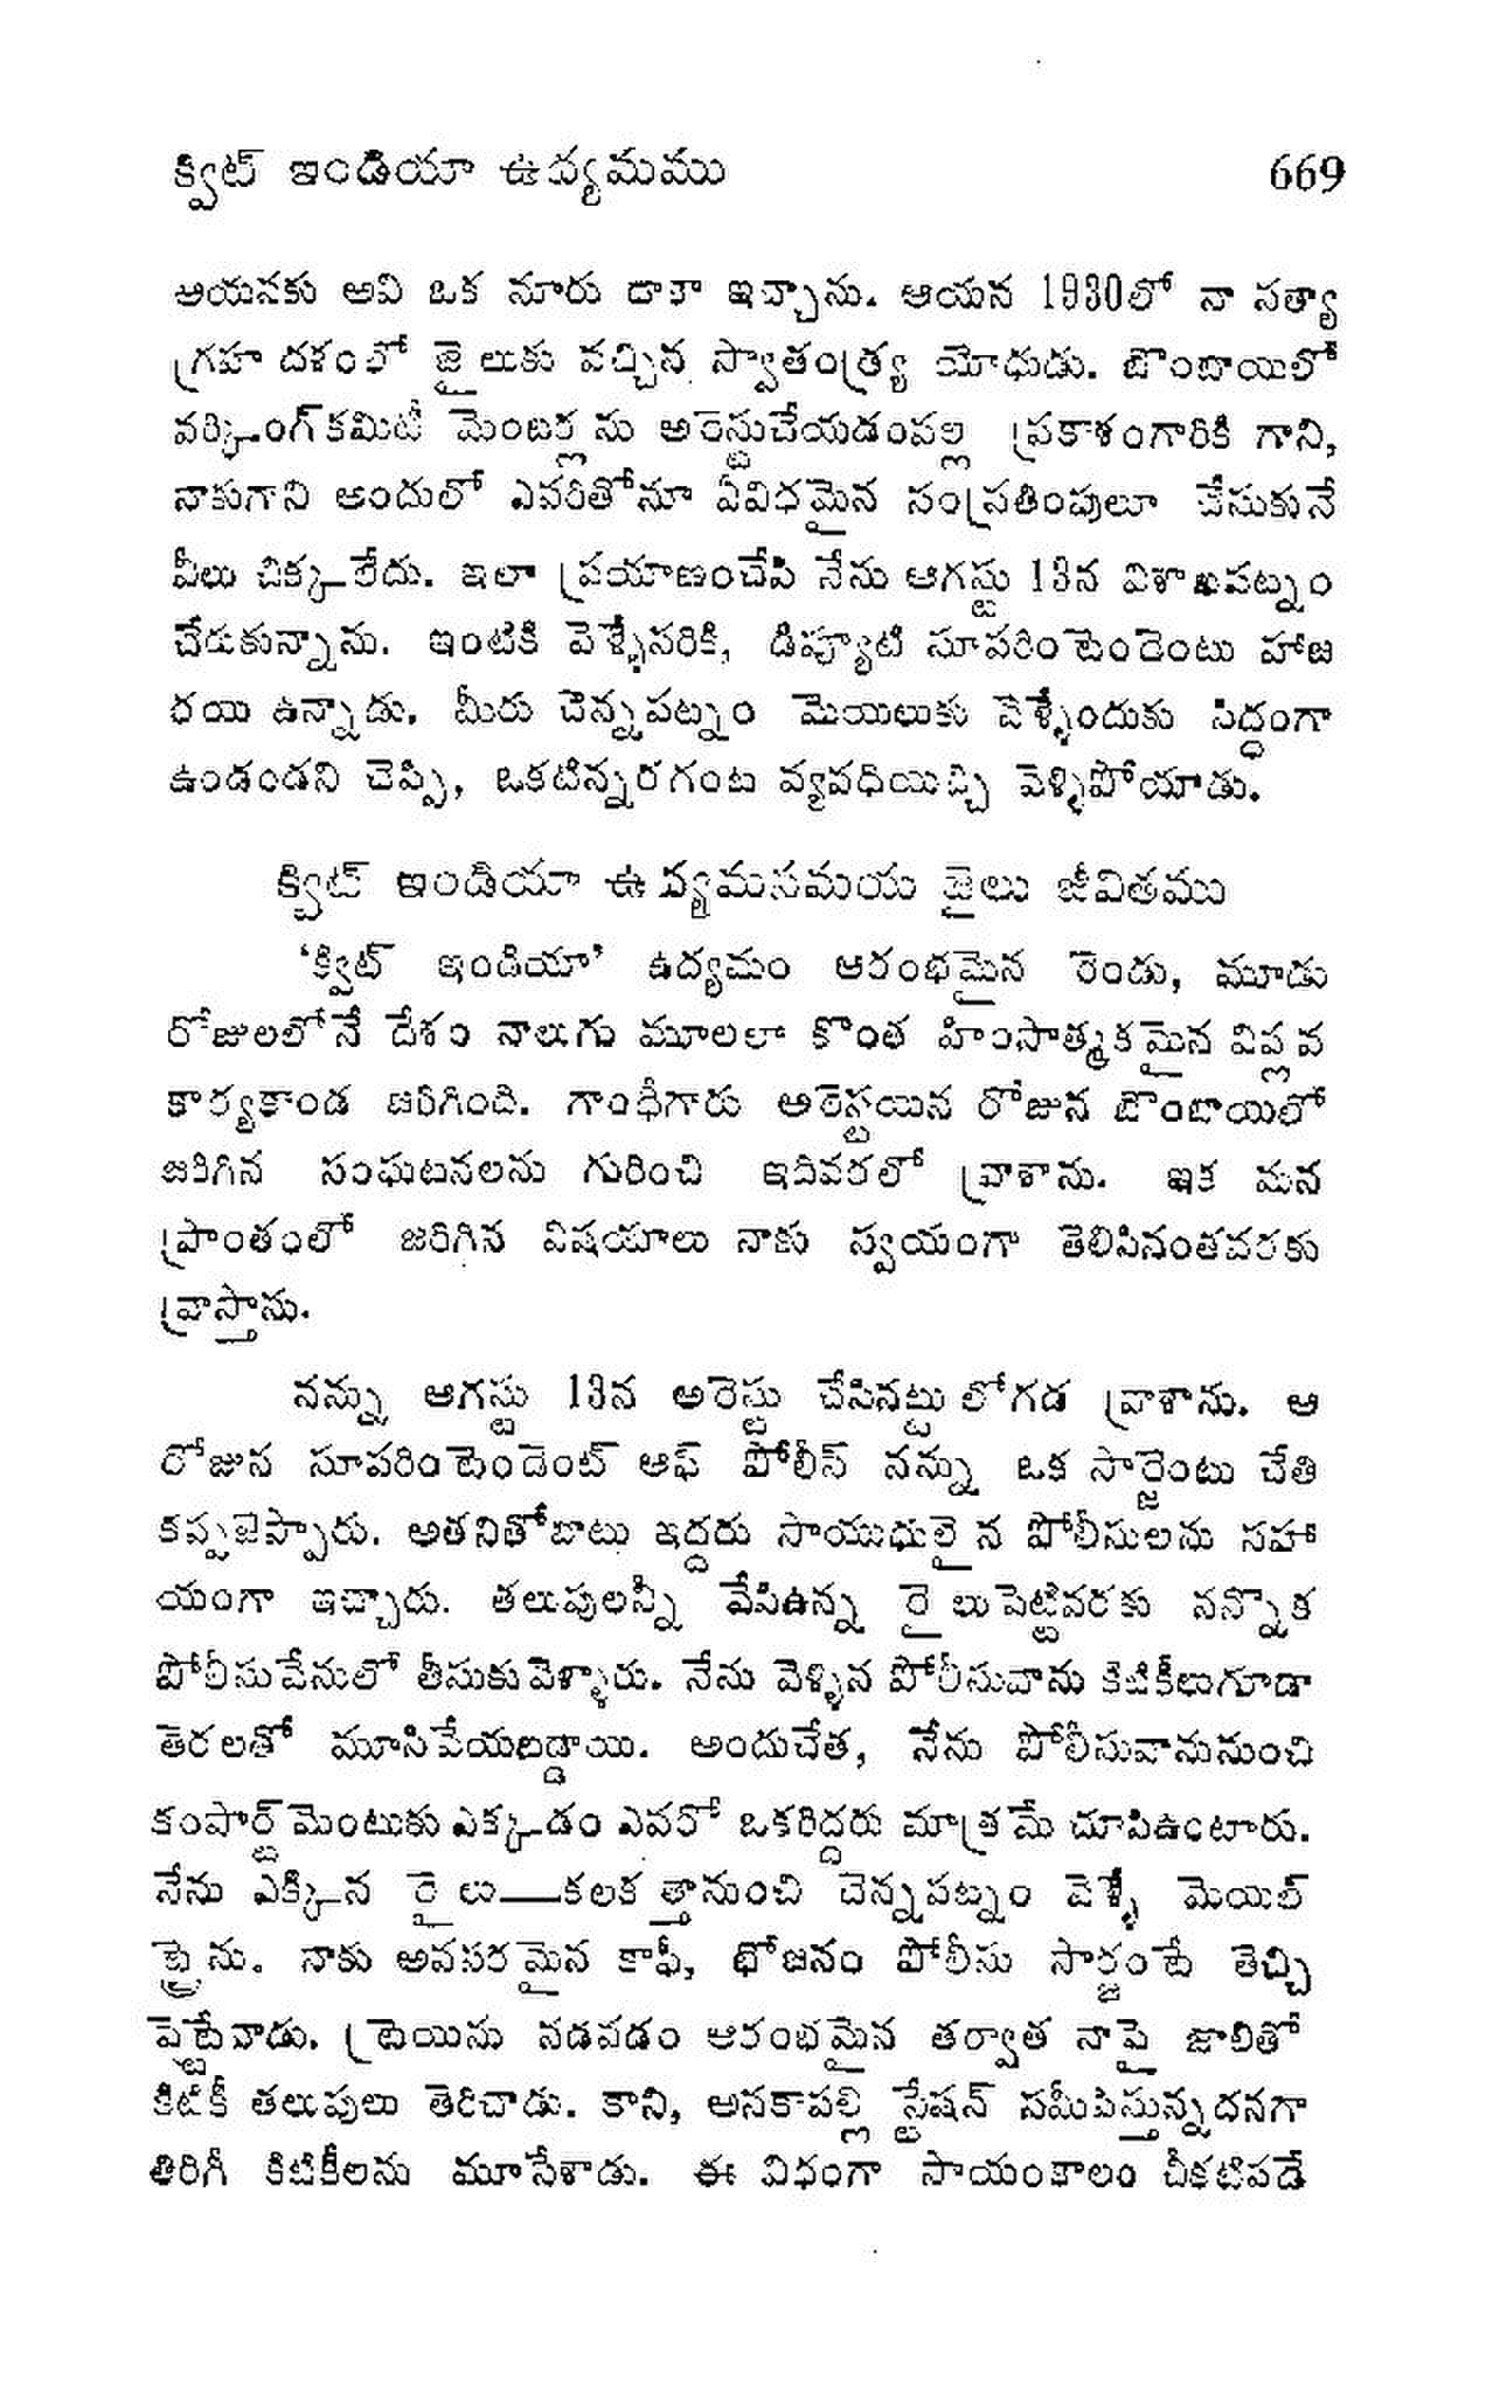ఆయనకు అవి ఒక నూరు దాకా ఇచ్చాను. ఆయన 1930లో నా సత్యాగ్రహ దళంలో జైలుకు వచ్చిన స్వాతంత్ర్య యోధుడు. బొంబాయిలో వర్కింగ్‌కమిటీ మెంబర్లను అరెస్టుచేయడంవల్ల ప్రకాశంగారికి గాని, నాకుగాని అందులో ఎవరితోనూ ఏవిధమైన సంప్రతింపులూ చేసుకునే వీలు చిక్కలేదు. ఇలా ప్రయాణంచేసి నేను ఆగస్టు 13 న విశాఖపట్నం చేరుకున్నాను. ఇంటికి వెళ్ళేసరికి, డిప్యూటి సూపరింటెండెంటు హాజరయి ఉన్నాడు. మీరు చెన్నపట్నం మెయిలుకు వెళ్ళేందుకు సిద్దంగా ఉండండని చెప్పి, ఒకటిన్నరగంట వ్యవధియిచ్చి వెళ్ళిపోయాడు.

'క్విట్ ఇండియా' ఉద్యమం ఆరంభమైన రెండు, మూడు రోజులలోనే దేశం నాలుగు మాలలా కొంత హింసాత్మకమైన విప్లవ కార్యకాండ జరిగింది. గాంధీగారు అరెస్టయిన రోజున బొంబాయిలో జరిగిన సంఘటనలను గురించి ఇదివరలో వ్రాశాను. ఇక మనప్రాంతంలో జరిగిన విషయాలు నాకు స్వయంగ తెలిసినంతవరకు వ్రాస్తాను.

నన్ను ఆగస్టు 13న అరెస్టు చేసినట్టు లోగడ వ్రాశాను. ఆ రోజున సూపరింటెండెంట్ ఆఫ్ పోలీస్ నన్ను ఒక సార్జెంటు చేతి కప్పజెప్పారు. అతనితోబాటు ఇద్దరు సాయుధులైన పోలీసులను సహాయంగా ఇచ్చారు. తలుపులన్నీ వేసిఉన్న రైలుపెట్టివరకు నన్నొక పోలీసువేనులో తీసుకువెళ్ళారు. నేను వెళ్ళిన పోలీసువాను కిటికీలుగూడా తెరలతో మూసి వేయబడ్డాయి. అందుచేత, నేను పోలీసువానునుంచి కంపార్ట్‌మెంటుకు ఎక్కడం ఎవరో ఒకరిద్దరు మాత్రమే చూసిఉంటారు. నేను ఎక్కిన రైలు - కలకత్తానుంచి చెన్నపట్నం వెళ్ళే మెయిల్ ట్రైను. నాకు అవసరమైన కాఫీ, భోజనం పోలీసు సార్జంటే తెచ్చి పెట్టేవాడు. ట్రెయిను నడపడం ఆరంభమైన తర్వాత నాపై జాలితో కిటికీ తలుపులు తెరిచాడు. కాని, అనకాపల్లి స్టేషన్ సమీపిస్తున్నదనగా తిరిగీ కిటికీలను మూసేశాడు. ఈ విధంగా సాయంకాలం చీకటిపడే